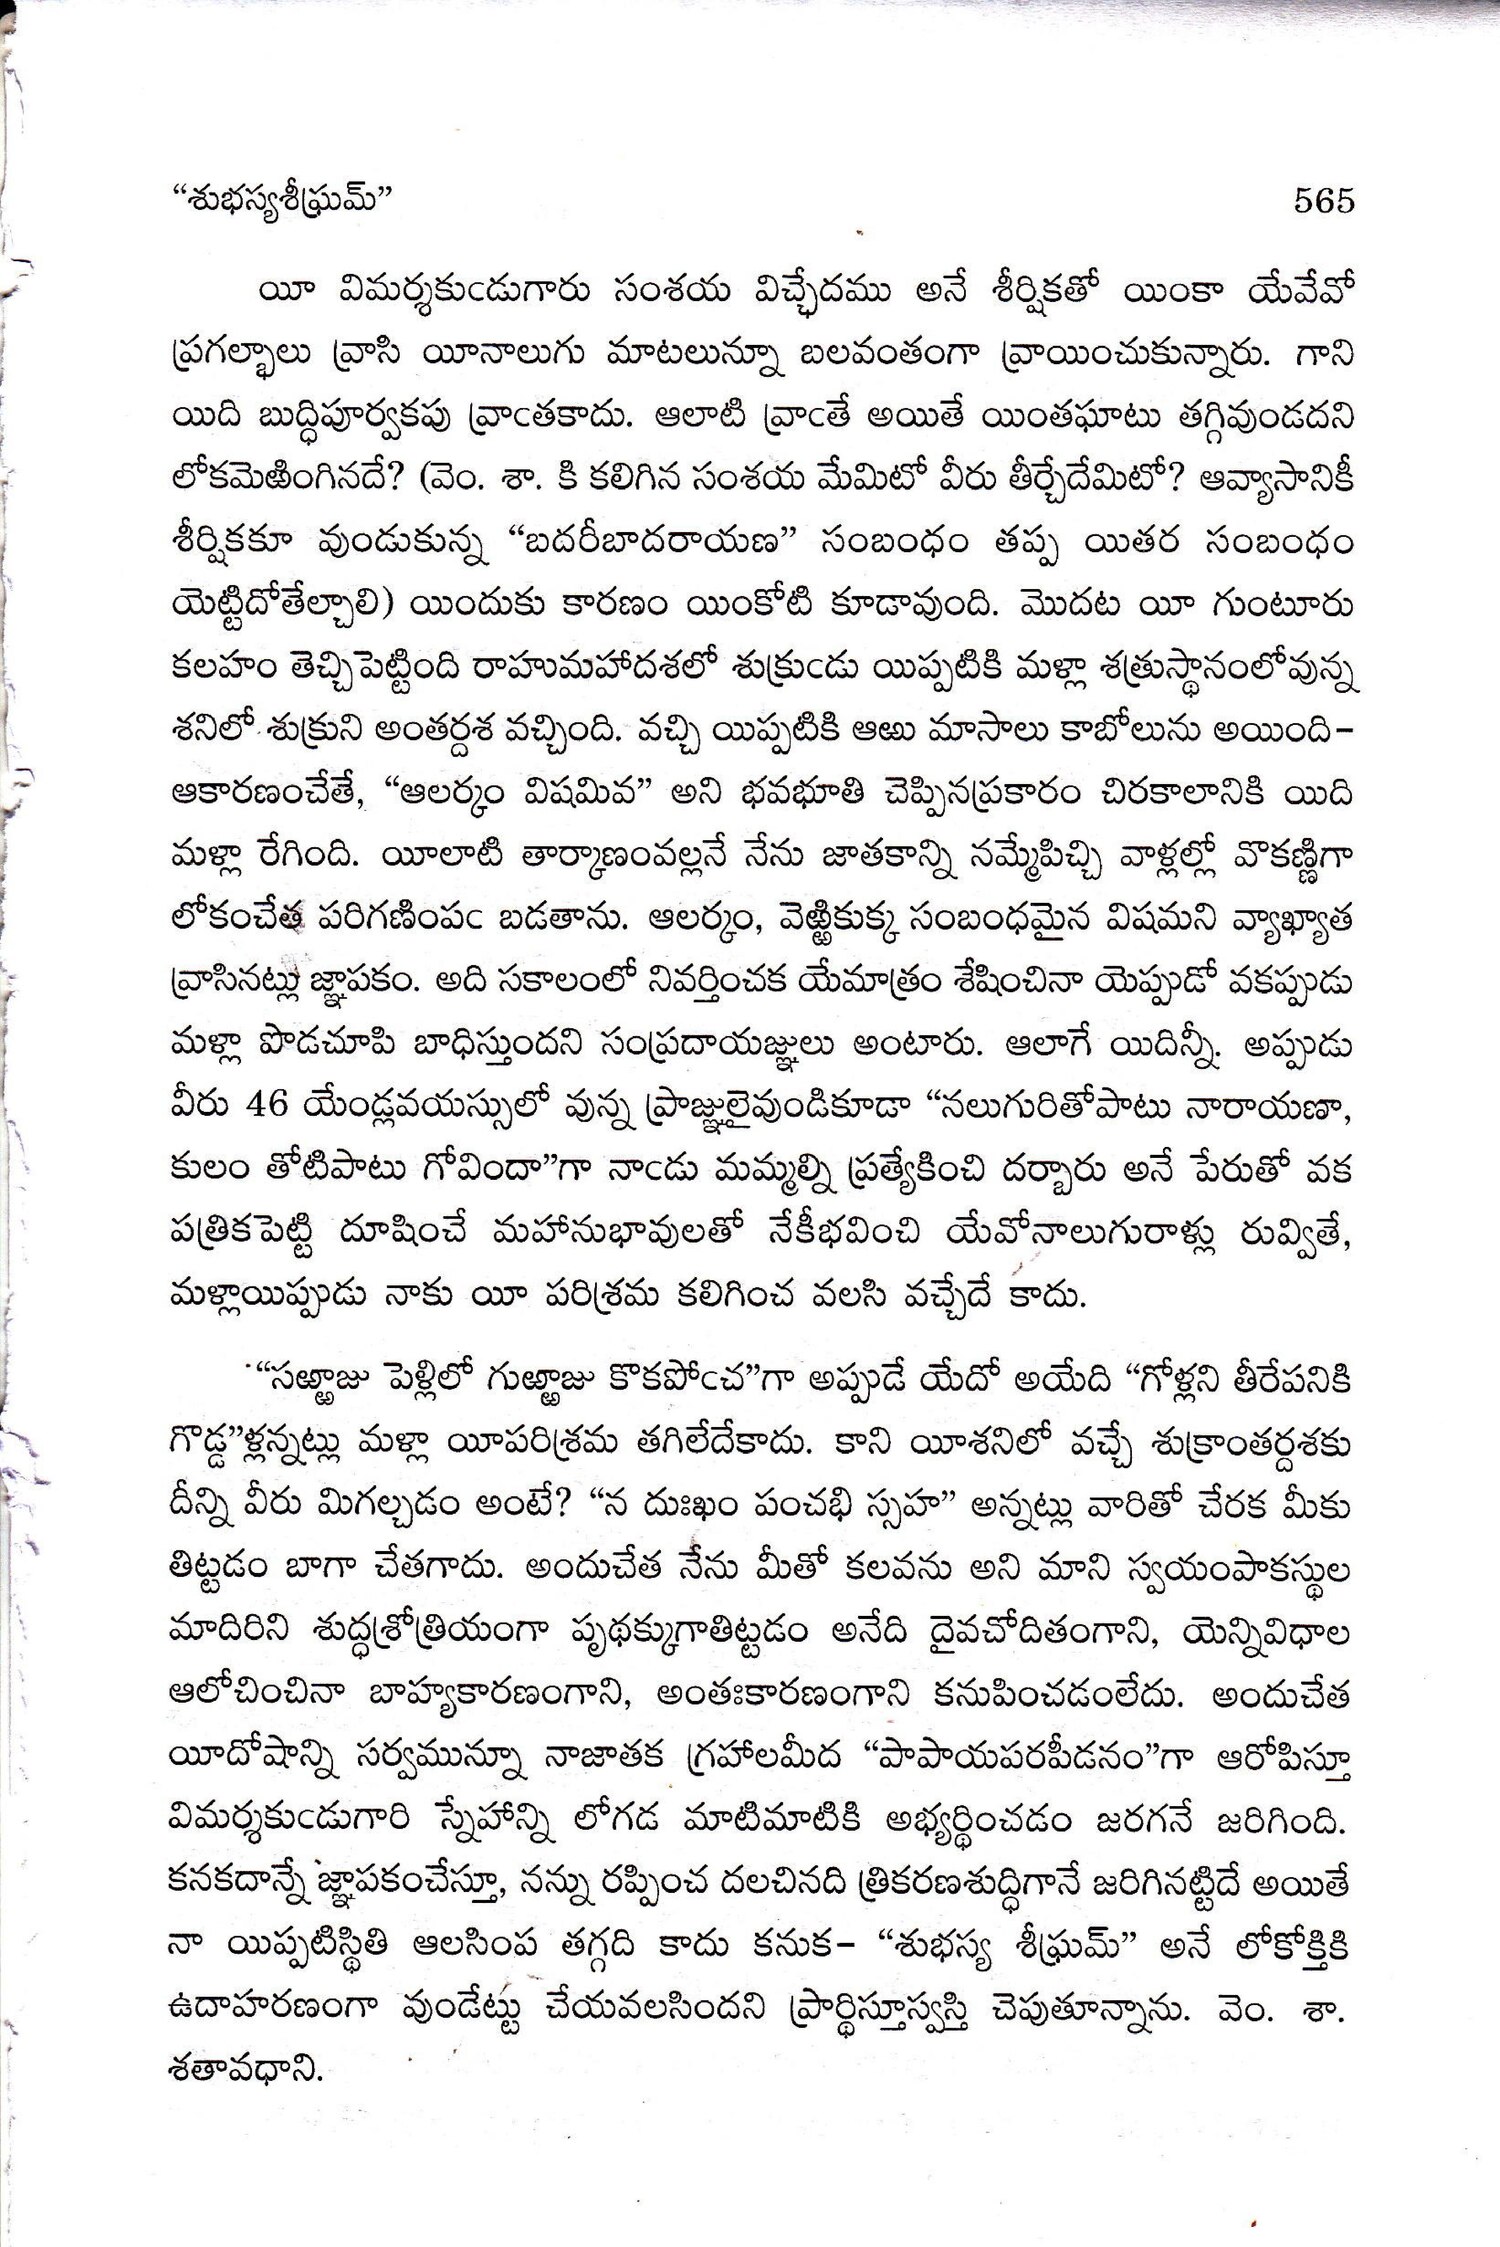యీ విమర్శకుఁడుగారు సంశయ విచ్ఛేదము అనే శీర్షికతో యింకా యేవేవో ప్రగల్భాలు వ్రాసి యీనాలుగు మాటలున్నూ బలవంతంగా వ్రాయించుకున్నారు. గాని యిది బుద్ధిపూర్వకపు వ్రాఁతకాదు. ఆలాటి వ్రాఁతే అయితే యింతఘాటు తగ్గివుండదని లోకమెఱింగినదే? (వెం. శా. కి కలిగిన సంశయ మేమిటో వీరు తీర్చేదేమిటో? ఆవ్యాసానికీ శీర్షికకూ వుండుకున్న “బదరీబాదరాయణ" సంబంధం తప్ప యితర సంబంధం యెట్టిదోతేల్చాలి) యిందుకు కారణం యింకోటి కూడావుంది. మొదట యీ గుంటూరు కలహం తెచ్చిపెట్టింది రాహుమహాదశలో శుక్రుఁడు యిప్పటికి మళ్లా శత్రుస్థానంలోవున్న శనిలో శుక్రుని అంతర్దశ వచ్చింది. వచ్చి యిప్పటికి ఆఱు మాసాలు కాబోలును అయింది ఆకారణంచేతే, “ఆలర్కం విషమివ" అని భవభూతి చెప్పినప్రకారం చిరకాలానికి యిది మళ్లా రేగింది. యీలాటి తార్మాణంవల్లనే నేను జాతకాన్ని నమ్మేపిచ్చి వాళ్లల్లో వొకణ్ణిగా లోకంచేత పరిగణింపఁ బడతాను. ఆలర్కం, వెఱ్ఱికుక్క సంబంధమైన విషమని వ్యాఖ్యాత వ్రాసినట్లు జ్ఞాపకం. అది సకాలంలో నివర్తించక యేమాత్రం శేషించినా యెప్పుడో వకప్పుడు మళ్లా పొడచూపి బాధిస్తుందని సంప్రదాయజ్ఞులు అంటారు. ఆలాగే యిదిన్నీ అప్పుడు వీరు 46 యేండ్లవయస్సులో వున్న ప్రాజ్ఞులైవుండికూడా “నలుగురితోపాటు నారాయణా, కులం తోటిపాటు గోవిందా"గా నాఁడు మమ్మల్ని ప్రత్యేకించి దర్బారు అనే పేరుతో వక పత్రిక పెట్టి దూషించే మహానుభావులతో నేకీభవించి యేవోనాలుగురాళ్లు రువ్వితే, మళ్లాయిప్పుడు నాకు యీ పరిశ్రమ కలిగించ వలసి వచ్చేదే కాదు.

“సఱ్ఱాజు పెళ్లిలో గుఱ్ఱాజు కొకపోఁచ"గా అప్పుడే యేదో అయేది “గోళ్లని తీరేపనికి గొడ్డళ్లన్నట్లు మళ్లా యీపరిశ్రమ తగిలేదేకాదు. కాని యీశనిలో వచ్చే శుక్రాంతర్దశకు దీన్ని వీరు మిగల్చడం అంటే? “న దుఃఖం పంచభి స్సహ" అన్నట్లు వారితో చేరక మీకు తిట్టడం బాగా చేతగాదు. అందుచేత నేను మీతో కలవను అని మాని స్వయంపాకస్థుల మాదిరిని శుద్ధశ్రోత్రియంగా పృథక్కుగాతిట్టడం అనేది దైవచోదితంగాని, యెన్నివిధాల ఆలోచించినా బాహ్యకారణంగాని, అంతఃకారణంగాని కనుపించడంలేదు. అందుచేత యీదోషాన్ని సర్వమున్నూ నాజాతక గ్రహాలమీద "పాపాయపరపీడనం"గా ఆరోపిస్తూ విమర్శకుఁడుగారి స్నేహాన్ని లోగడ మాటిమాటికి అభ్యర్థించడం జరగనే జరిగింది. కనకదాన్నే జ్ఞాపకంచేస్తూ, నన్ను రప్పించ దలచినది త్రికరణశుద్ధిగానే జరిగినట్టిదే అయితే నా యిప్పటిస్థితి ఆలసింప తగ్గది కాదు కనుక- “శుభస్య శీఘ్రమ్” అనే లోకోక్తికి ఉదాహరణంగా వుండేట్టు చేయవలసిందని ప్రార్థిస్తూ స్వస్తి చెపుతూన్నాను. వెం. శా. శతావధాని.